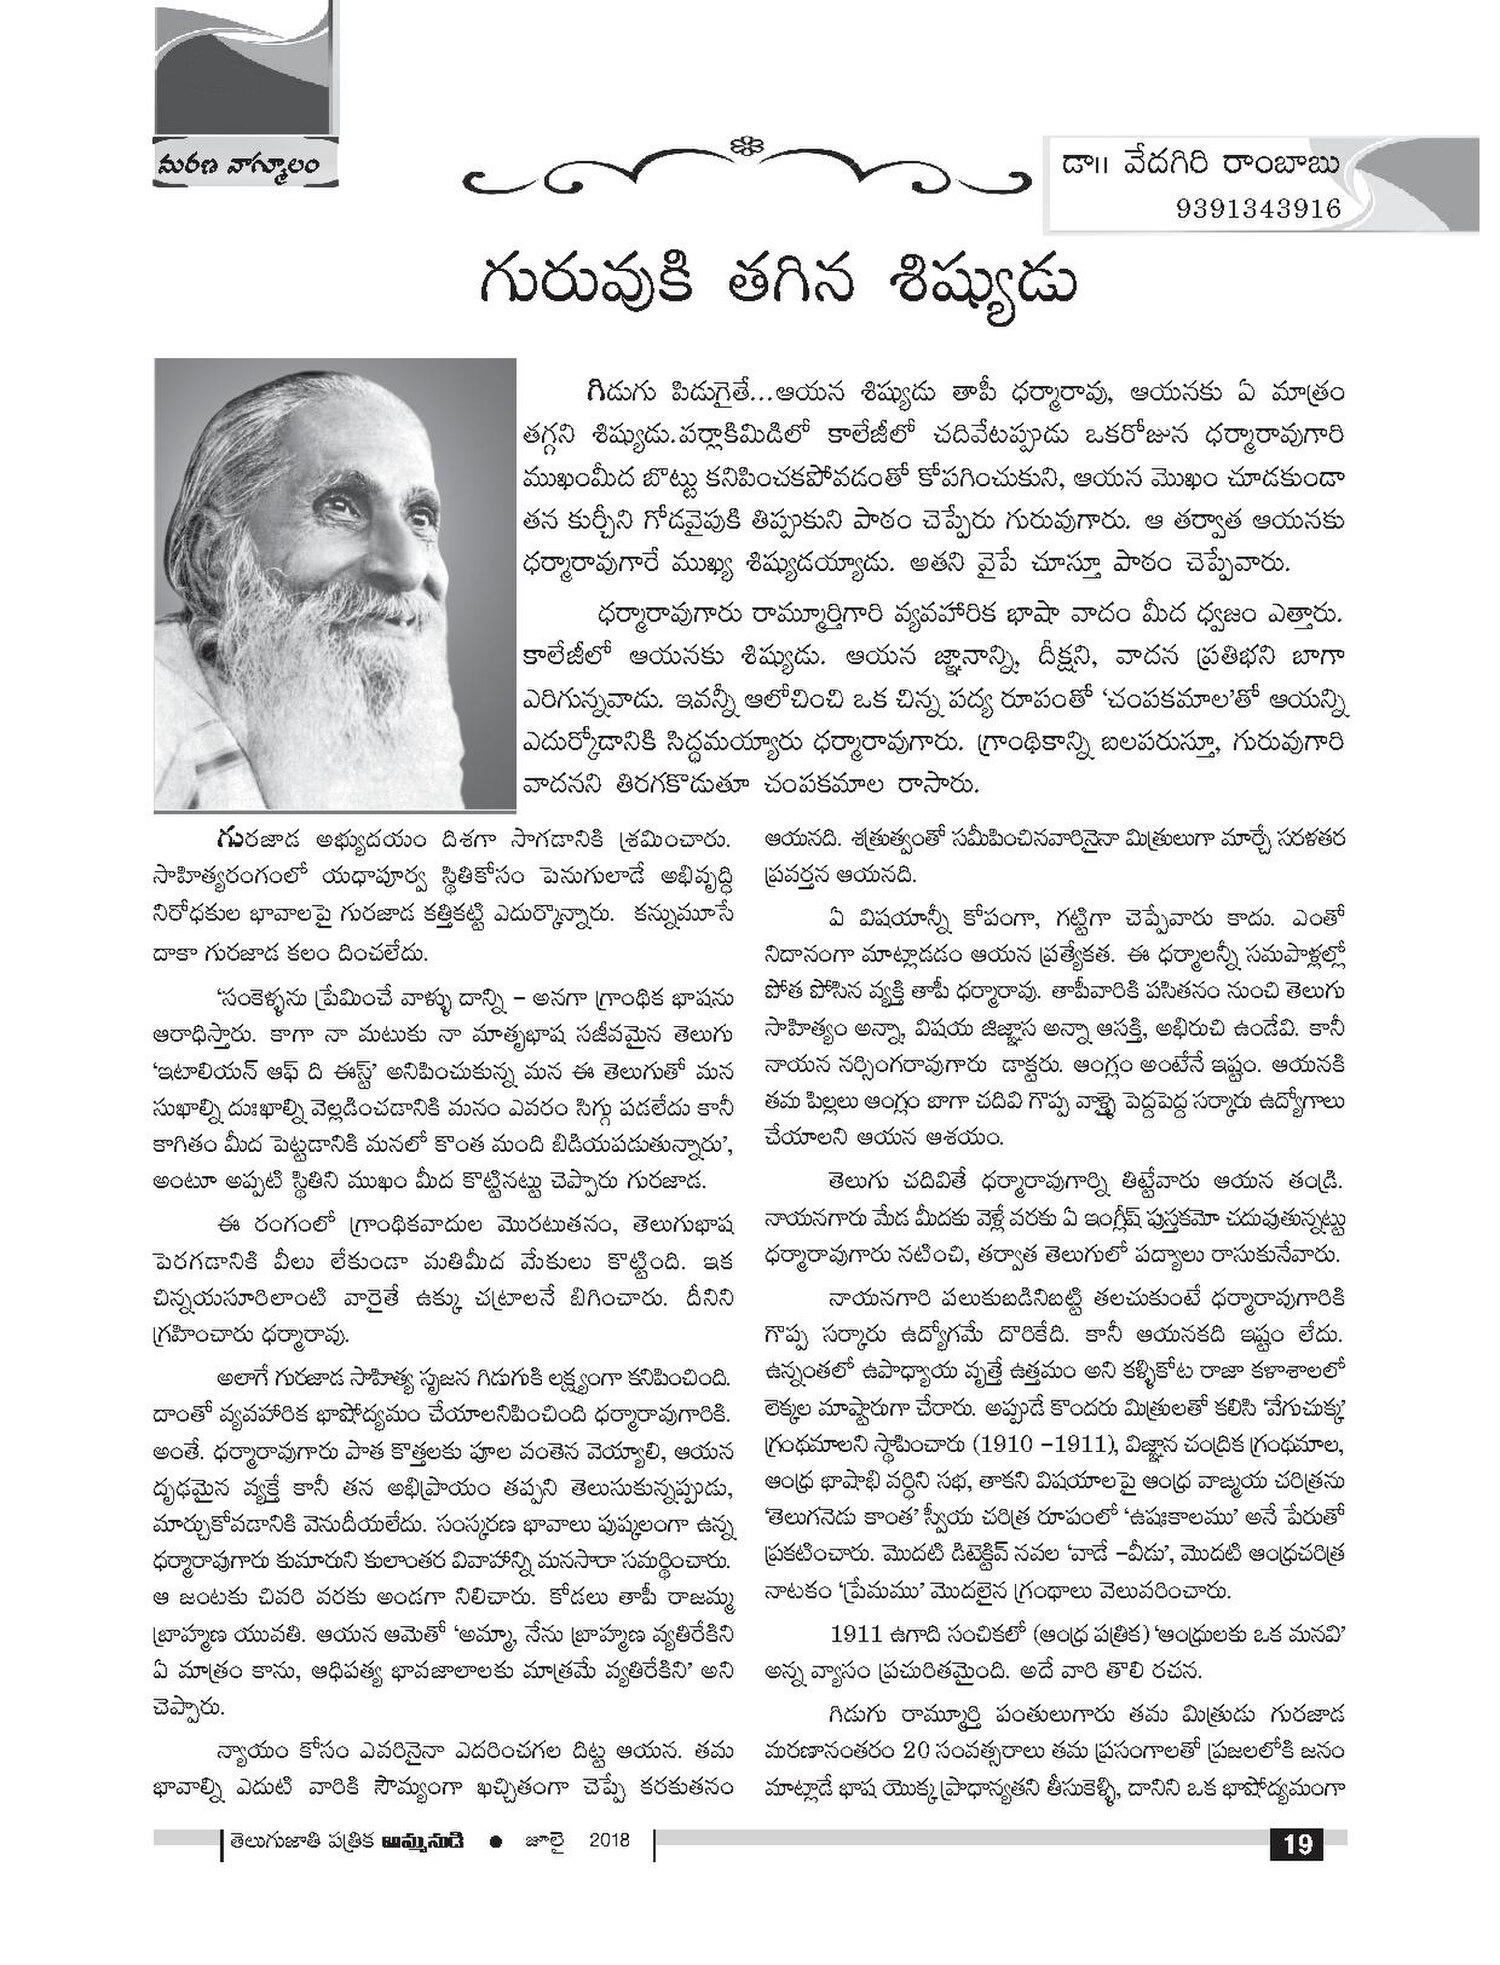గురువుకి తగిన శిష్యుడు 

గిడుగు పిడుగైతే ఆయన శిష్యుడు తాపీ ధర్మారావు ఆయనకు ఏ మాత్రం తగ్గని శిష్యుడు పర్లాకిమిడిలో కాలేజీలో చదివేటప్పుడు ఒకరోజున ధర్మారావుగారి ముఖంమీద బొట్టు కనిపించకపోవడంతో కోపగించుకుని ఆయన మొఖం చూడకుండా తన కుర్చీని గోడవైపుకి తిప్పుకుని పాఠం చెప్పేరు గురువుగారు. ఆ తర్వాత ఆయనకు ధర్మారావుగారే ముఖ్య శిష్యుడయ్యాడు. అతని వైపే చూస్తూ పాఠం చెప్పేవారు.

ధర్మారావుగారు రామ్మూర్తిగారి వ్యవహారిక భాషా వాదం మీద ధ్వజం ఎత్తారు. కాలేజీలో ఆయనకు శిష్యుడు. ఆయన జ్ఞానాన్ని, దీక్షని, వాదన, ప్రతిభని బాగా ఎరిగున్నవాడు. ఇవన్నీ ఆలోచించి ఒక చిన్న పద్య రూపంతో 'చంపకమాల'తో ఆయన్ని ఎదుర్కోడానికి సిద్ధమయ్యారు ధర్మారావుగారు. గ్రాంథికాన్ని బలపరుస్తూ గురువుగారి వాదనని తిరగకొడుతూ చంపకమాల రాసారు.

గురజాడ అభ్యుదయం దిశగా సాగడానికి శ్రమించారు. సాహిత్యరంగంలో యథాపూర్వ స్థితికోసం పెనుగులాడే అభివృద్ధి నిరోధకుల భావాలపై గురజాడ కత్తికట్టి ఎదుర్కొన్నారు. కన్నుమూసే దాకా గురజాడ కలం దించలేదు. 

'సంకెళ్ళను ప్రేమించే వాళ్ళు దాన్ని - అనగా గ్రాంథిక భాషను ఆరాధిస్తారు. కాగా నా మటుకు నా మాతృభాష సజీవమైన తెలుగు 'ఇటాలియన్ ఆఫ్ ది ఈస్ట్‌' అనిపించుకున్న మన ఈ తెలుగుతో మన సుఖాల్ని దుఃఖాల్ని వెల్లడించడానికి మనం ఎవరం సిగ్గు పడలేదు కానీ కాగితం మీద పెట్టడానికి మనలో కొంత మంది బిడియపడుతున్నారు', అంటూ అప్పటి స్థితిని ముఖం మీద కొట్టినట్టు చెప్పారు గురజాడ. 

ఈ రంగంలో గ్రాంథికవాదులు మొరటుతనం, తెలుగుభాష పెరగడానికి వీలు లేకుండా మతిమీద మేకులు కొట్టింది. ఇక చిన్నయసూరిలాంటి వారైతే ఉక్కు చట్రాలనే బిగించారు. దీనిని గ్రహించారు ధర్మారావు. 

అలాగే గురజాడ సాహిత్య సృజన గిడుగుకి లక్ష్యంగా కనిపించింది. దాంతో వ్యవహారిక భాషోద్యమం చేయాలనిపించింది ధర్మారావుగారికి. అంతే ధర్మారావుగారు పాత కొత్తలకు పూల వంతెన వెయ్యాలి, ఆయన దృఢమైన వ్యక్తే కానీ తన అభిప్రాయం తప్పని తెలుసుకున్నప్పుడు, మార్చుకోవడానికి వెనుదీయలేదు. సంస్కరణ భావాలు పుష్కలంగా ఉన్న ధర్మారావుగారు కుమారుని కులాంతర వివాహాన్ని మనసార సమర్థించారు. ఆ జంటకు చివరి వరకు అండగా నిలిచారు. కోడలు తాపీ రాజమ్మ బ్రాహ్మణ యువతి. ఆయన ఆమెతో 'అమ్మా నేను బ్రాహ్మణ వ్యతిరేకిని ఏ మాత్రం కాను, ఆధిపత్య భావజాలాలకు మాత్రమే వ్యతిరేకిని' అని చెప్పారు. 

న్యాయం కోసం ఎవరినైనా ఎదిరించగల దిట్ట ఆయన. తమ భావాల్ని ఎదుటి వారికి సౌమ్యంగా ఖచ్చితంగా చెప్పే కరకుతనం ఆయనది. శత్రుత్వంతో సమీపించినవారినైనా మిత్రులుగా మార్చే సరళతర ప్రవర్తన ఆయనది. 

ఏ విషయాన్నీ కోపంగా, గట్టిగా చెప్పేవారు కాదు. ఎంతో నిదానంగా మాట్లాడడం ఆయన ప్రత్యేకత. ఈ ధర్మాలన్నీ సమపాళ్లల్లో పోత పోసిన వ్యక్తి తాపీ ధర్మారావు. తాపీవారికి పసితనం నుంచి తెలుగు సాహిత్యం అన్నా, విషయ జిజ్ఞాస అన్నా ఆసక్తి, అభిరుచి ఉండేవి. కానీ నాయన నరసింగరావుగారు డాక్టరు. ఆంగ్లం అంటేనే ఇష్టం. ఆయనకి తమ పిల్లలు ఆంగ్లం బాగా చదివి గొప్ప వాళ్ళై పెద్దపెద్ద సర్కారు ఉద్యోగాలు చేయాలని ఆయన ఆశయం. 

తెలుగు చదివితే ధర్మారావుగారిని తిట్టేవారు ఆయన తండ్రి. నాయనగారు మేడ మీదకు తీసుకు వెళ్లే వరకు ఏ ఇంగ్లీష్ పుస్తకమో చదువుతున్నట్లు ధర్మారావుగారు నటించి, తర్వాత తెలుగులో పద్యాలు రాసుకునేవారు. 

నాయనగారి పలుకుబడినిబట్టి తలచుకుంటే ధర్మారావుగారికి గొప్ప సర్కారు ఉద్యోగమే దొరికేది. కానీ ఆయనకది ఇష్టం లేదు. ఉన్నంతలో ఉపాధ్యాయ వృత్తే ఉత్తమం అని కళ్ళికోట రాజా కళాశాలలో లెక్కల మాష్టారుగా చేరారు. అప్పుడే కొందరు మిత్రులతో కలిసి 'వేగుచుక్క' గ్రంథమాలని స్థాపించారు (1910 - 1911), విజ్ఞాన చంద్రిక గ్రంథమాల, ఆంధ్ర భాషాభి వర్దిని సభ, తాకని విషయాలపై ఆంధ్ర వాఙ్మయ చరిత్రను 'తెలుగనెడు కాంత' స్వీయ చరిత్ర రూపంలో 'ఉషఃకాలము' అనే పేరుతో ప్రకటించారు. మొదటి డిటెక్టివ్ నవల 'వాడే - వీడు'. మొదటి ఆంధ్రచరిత్ర నాటకం 'ప్రేమము' మొదలైన గ్రంథాలు వెలువరించారు. 

1911 ఉగాది సంచికలో (ఆంధ్రపత్రిక ) 'ఆంధ్రులకు ఒక మనవి' అన్న వ్యాసం ప్రచురితమైంది. అదే వారి తొలి రచన. 

గిడుగు రామ్మూర్తి పంతులుగారు తమ మిత్రుడు గురజాడ మరణానంతరం 20 సంవత్సరాలు తమ ప్రసంగాలతో ప్రజలలోకి జనం మాట్లాడే భాష యొక్క ప్రాధాన్యతని తీసుకెళ్ళి, దానిని ఒక భాషోద్యమంగా